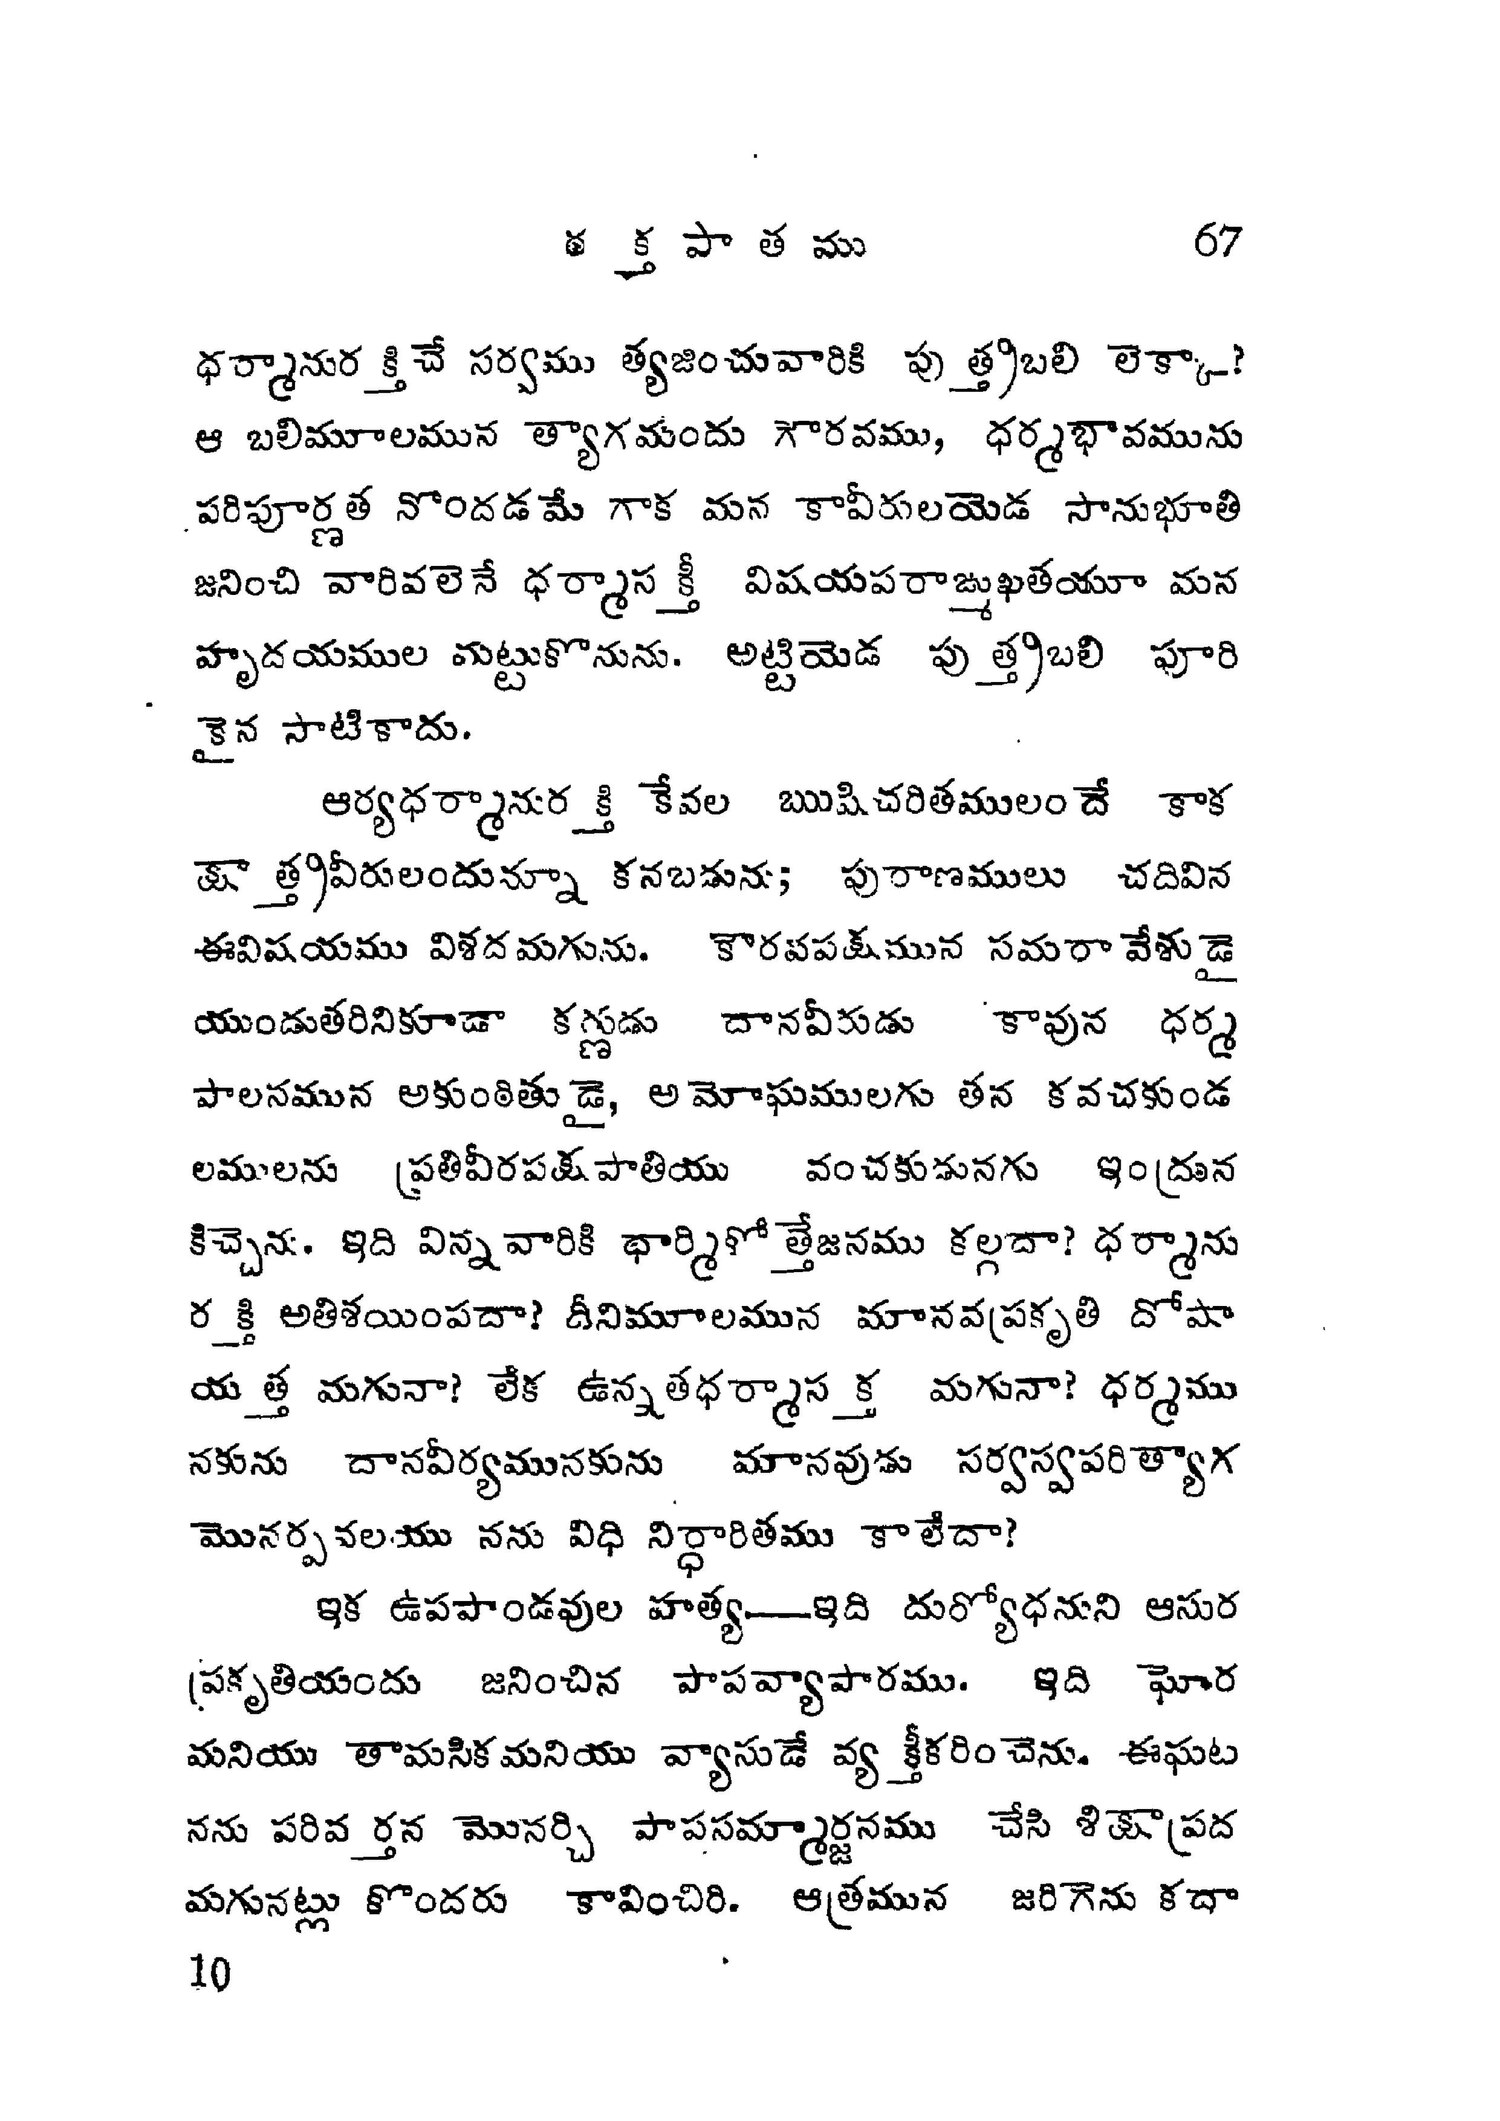ధర్మానురక్తిచే సర్వము త్యజించువారికి పుత్త్రబలి లెక్కా? ఆ బలిమూలమున త్యాగమందు గౌరవము, ధర్మభావమును పరిపూర్ణత నొందడమే గాక మన కావీరులయెడ సానుభూతి జనించి వారివలనే ధర్మాసక్తీ విషయపరాఙ్ముఖతయూ మన హృదయముల మట్టుకొనును. అట్టియెడ పుత్త్రబలి పూరికైన సాటికాదు.

ఆర్యధర్మానురక్తి కేవల ఋషి చరితములందే కాక క్షాత్త్రవీరులందున్నూ కనబడును; పురాణములు చదివిన ఈవిషయము విశదమగును. కౌరవపక్షమున సమరా వేశుడై యుండుతరినికూడా కర్ణుడు దానవీరుడు కావున ధర్మ పాలనమున అకుంఠితుడై, అమోఘములగు తన కవచకుండలములను ప్రతివీరపక్షపాతియు వంచకుడునగు ఇంద్రున కిచ్చెను. ఇది విన్నవారికి థార్మికోత్తేజనము కల్గదా? ధర్మాను రక్తి అతిశయింపదా? దీనిమూలమున మానవప్రకృతి దోషాయత్త మగునా? లేక ఉన్నతధర్మాసక్త మగునా? ధర్మమునకును దానవీర్యమునకును మానవుడు సర్వస్వపరిత్యాగ మొనర్పవలయు నను విధి నిర్ధారితము కాలేదా?

ఇక ఉపపాండవుల హత్య - ఇది దుర్యోధనుని ఆసుర ప్రకృతియందు జనించిన పాపవ్యాపారము. ఇది ఘోరమనియు తామసికమనియు వ్యాసుడే వ్యక్తీకరించెను. ఈఘటనను పరివర్తన మొనర్చి పాపసమ్మార్జనము చేసి శిక్షాప్రదమగునట్లు కొందరు కావించిరి. ఆత్రమున జరిగెను కదా